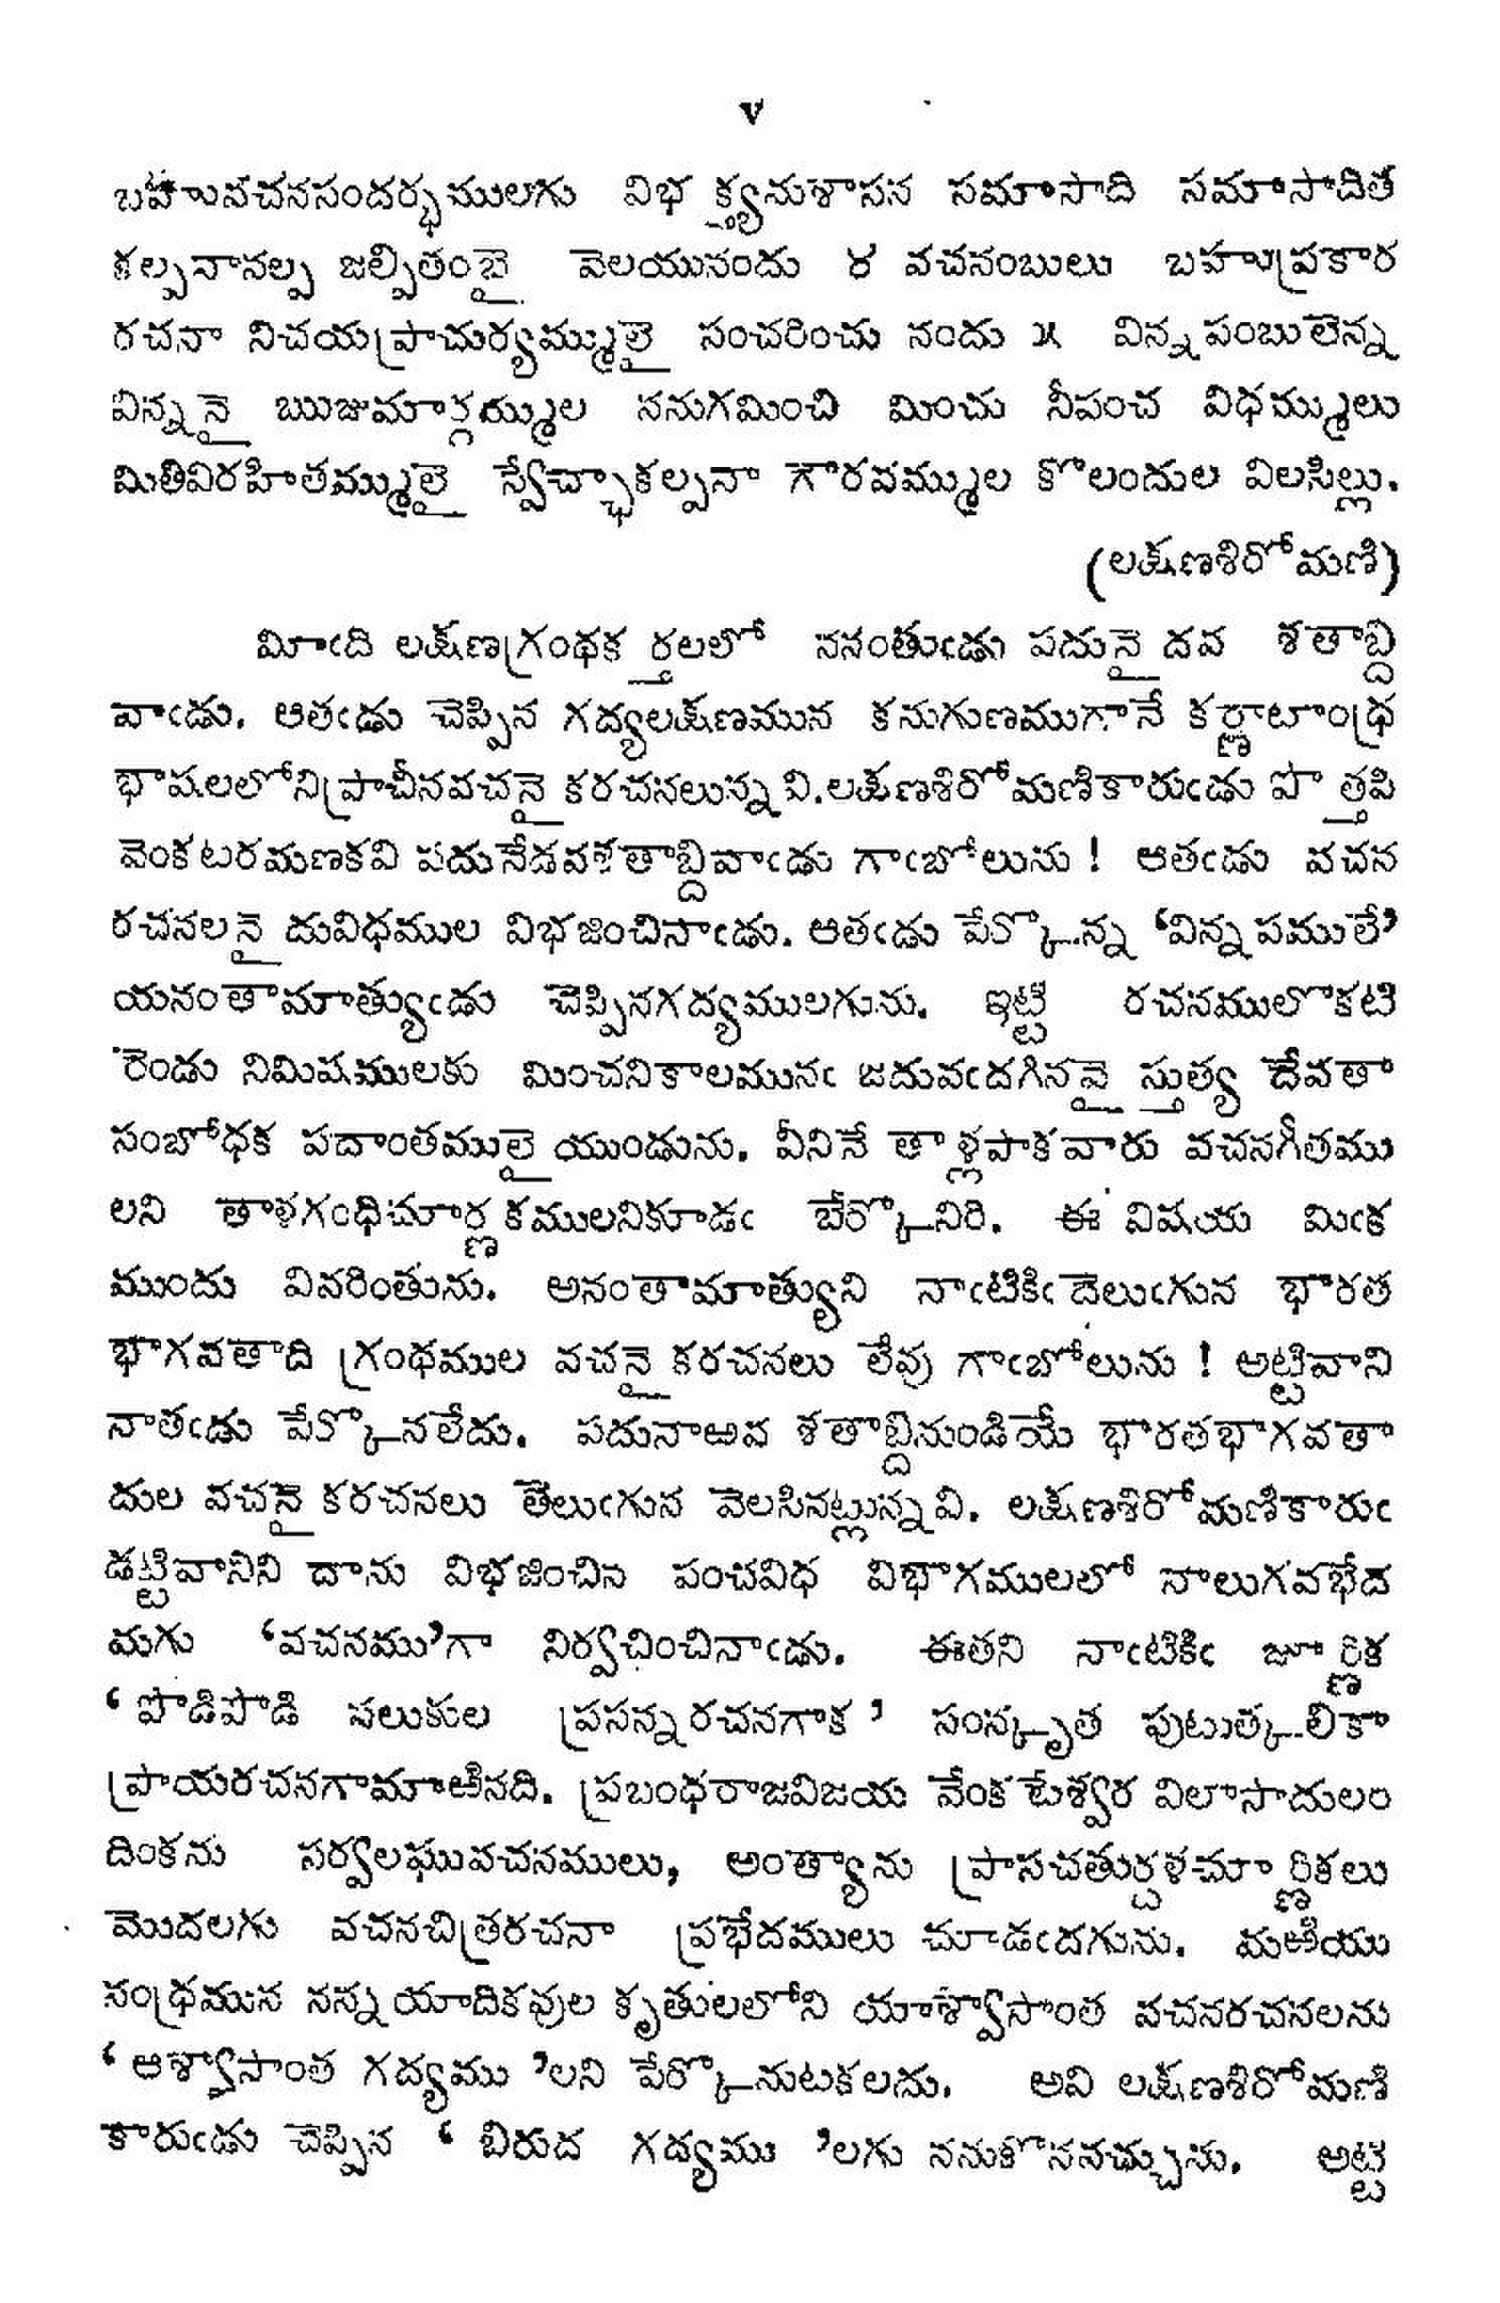బహువచనసందర్భములగు విభ క్త్యనుశాసన సమాసాది సమాసాదిత కల్పనానల్ప జల్పితంబై వెలయునందు ౪ వచనంబులు బహుప్రకార రచనా నిచయప్రాచుర్యమ్ములై సంచరించు నందు ౫ విన్నపంబులెన్న విన్ననై ఋజుమార్గమ్ముల ననుగమించి మించు నీపంచ విధమ్ములు మితివిరహితమ్ములై స్వేచ్ఛాకల్పనా గౌరవమ్ముల కొలందుల విలసిల్లు.

(లక్షణశిరోమణి)
మీఁది లక్షణగ్రంథకర్తలలో ననంతుఁడు పదునైదవ శతాబ్ది వాఁడు. ఆతఁడు చెప్పిన గద్యలక్షణమున కనుగుణముగానే కర్ణాటాంధ్ర భాషలలోనిప్రాచీనవచనైకరచనలున్నవి. లక్షణశిరోమణికారుఁడు పొత్తపి వెంకటరమణకవి పదునేడవశతాబ్దివాఁడు గాఁబోలును! ఆతఁడు వచన రచనలనైదువిధముల విభజించినాఁడు. అతఁడు పేర్కొన్న 'విన్నపములే' యనంతామాత్యుఁడు చెప్పినగద్యములగును. ఇట్టి రచనములొకటి రెండు నిమిషములకు మించనికాలమునఁ జదువఁదగినవై స్తుత్య దేవతా సంబోధక పదాంతములైయుండును. వీనినే తాళ్లపాకవారు వచనగీతములని తాళగంధిచూర్ణకములనికూడఁ బేర్కొనిరి. ఈ విషయ మిఁక ముందు వివరింతును. అనంతామాత్యుని నాఁటికిఁదెలుఁగున భారత భాగవతాది గ్రంథముల వచనైకరచనలు లేవు గాఁబోలును ! అట్టివాని నాతఁడు పేర్కొనలేదు. పదునాఱవ శతాబ్దినుండియే భారతభాగవతాదుల వచనైకరచనలు తెలుఁగున వెలసినట్లున్నవి. లక్షణశిరోమణికారుఁడట్టివానిని దాను విభజించిన పంచవిధ విభాగములలో నాలుగవభేదమగు 'వచనము'గా నిర్వచించినాఁడు. ఈతని నాఁటికిఁ జూర్ణిక 'పొడిపొడి పలుకుల ప్రసన్నరచనగాక' సంస్కృత పుటుత్కలికాప్రాయరచనగామాఱినది. ప్రబంధరాజవిజయ వేంకటేశ్వర విలాసాదులందింకను సర్వలఘువచనములు, అంత్యాను ప్రాసచతుర్దళచూర్ణికలు మొదలగు వచనచిత్రరచనా ప్రభేదములు చూడఁదగును. మఱియు సంధ్రమున నన్నయాదికవుల కృతులలోని యాశ్వాసాంత వచనరచనలను 'ఆశ్వాసాంత గద్యము'లని పేర్కొనుటకలదు. అని లక్షణశిరోమణికారుఁడు చెప్పిన 'బిరుద గద్యము'లగు ననుకొనవచ్చును. అట్టి